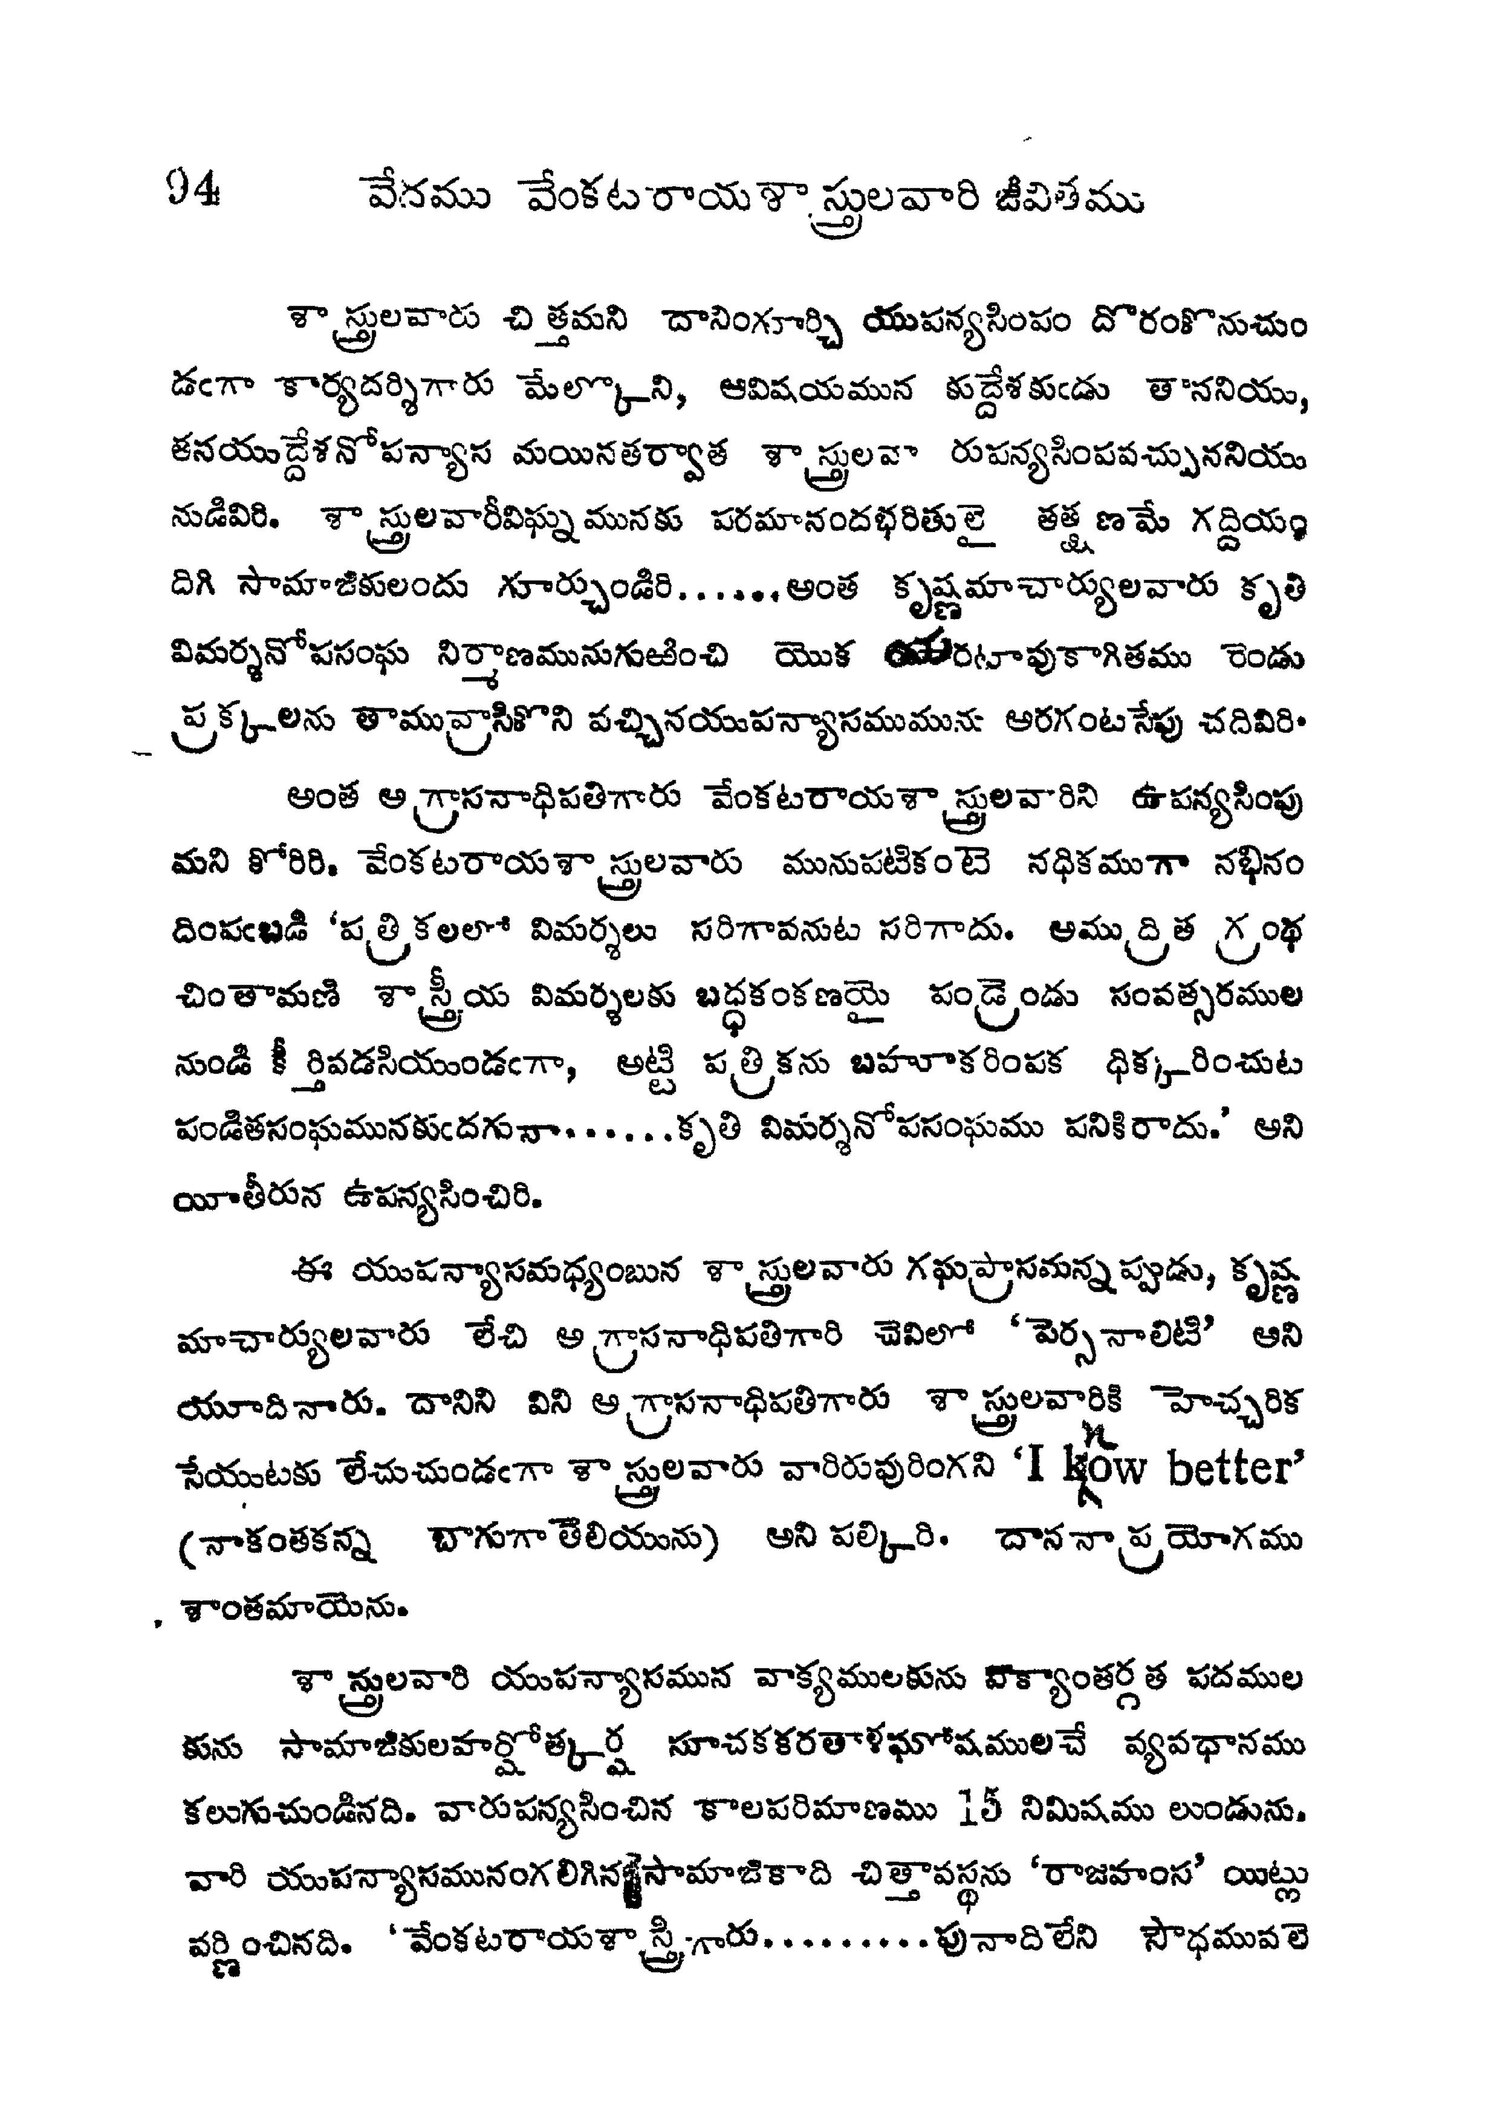శాస్త్రులవారు చిత్తమని దానింగూర్చి యుపన్యసింపం దొరంకొనుచుండగా కార్యదర్శిగారు మేల్కొని, ఆవిషయమున కుద్దేశకుడు తాననియు, తనయుద్దేశనోపన్యాస మయినతర్వాత శాస్త్రులవా రుపన్యసింపవచ్చుననియు నుడివిరి. శాస్త్రులవారీవిఘ్నమునకు పరమానందభరితులై తత్క్షణమే గద్దియందిగి సామాజికులందు గూర్చుండిరి......అంత కృష్ణమాచార్యులవారు కృతివిమర్శనోపసంఘ నిర్మాణమునుగుఱించి యొక యరటావుకాగితము రెండు ప్రక్కలను తామువ్రాసికొని వచ్చినయుపన్యాసముమును అరగంటసేపు చదివిరి. 

అంత అగ్రాసనాధిపతిగారు వేంకటరాయశాస్త్రులవారిని ఉపన్యసింపుమని కోరిరి. వేంకటరాయశాస్త్రులవారు మునుపటికంటె నధికముగా నభినందింపబడి 'పత్రికలలో విమర్శలు సరిగావనుట సరిగాదు. అముద్రిత గ్రంథచింతామణి శాస్త్రీయ విమర్శలకు బద్ధకంకణయై పండ్రెండు సంవత్సరముల నుండి కీర్తివడసియుండగా, అట్టి పత్రికను బహూకరింపక ధిక్కరించుట పండితసంఘమునకుదగునా .......కృతి విమర్శనోపసంఘము పనికిరాదు.' అని యీతీరున ఉపన్యసించిరి.

ఈ యుపన్యాసమధ్యంబున శాస్త్రులవారు గఘప్రాసమన్నప్పుడు, కృష్ణమాచార్యులవారు లేచి అగ్రాసనాధిపతిగారి చెవిలో 'పెర్సనాలిటి' అని యూదినారు. దానిని విని అగ్రాసనాధిపతిగారు శాస్త్రులవారికి హెచ్చరిక సేయుటకు లేచుచుండగా శాస్త్రులవారు వారిరువురింగని 'I know better' (నాకంతకన్న బాగుగాతెలియును) అని పల్కిరి. దాన నాప్రయోగము శాంతమాయెను.

శాస్త్రులవారి యుపన్యాసమున వాక్యములకును వాక్యాంతర్గత పదములకును సామాజికులహర్షోత్కర్ష సూచకకరతాళఘోషములచే వ్యవధానము కలుగుచుండినది. వారుపన్యసించిన కాలపరిమాణము 15 నిమిషము లుండును. వారి యుపన్యాసమునంగలిగిన సామాజికాది చిత్తావస్థను 'రాజహంస' యిట్లు వర్ణించినది. 'వేంకటరాయశాస్త్రిగారు.........పునాదిలేని సౌధమువలె